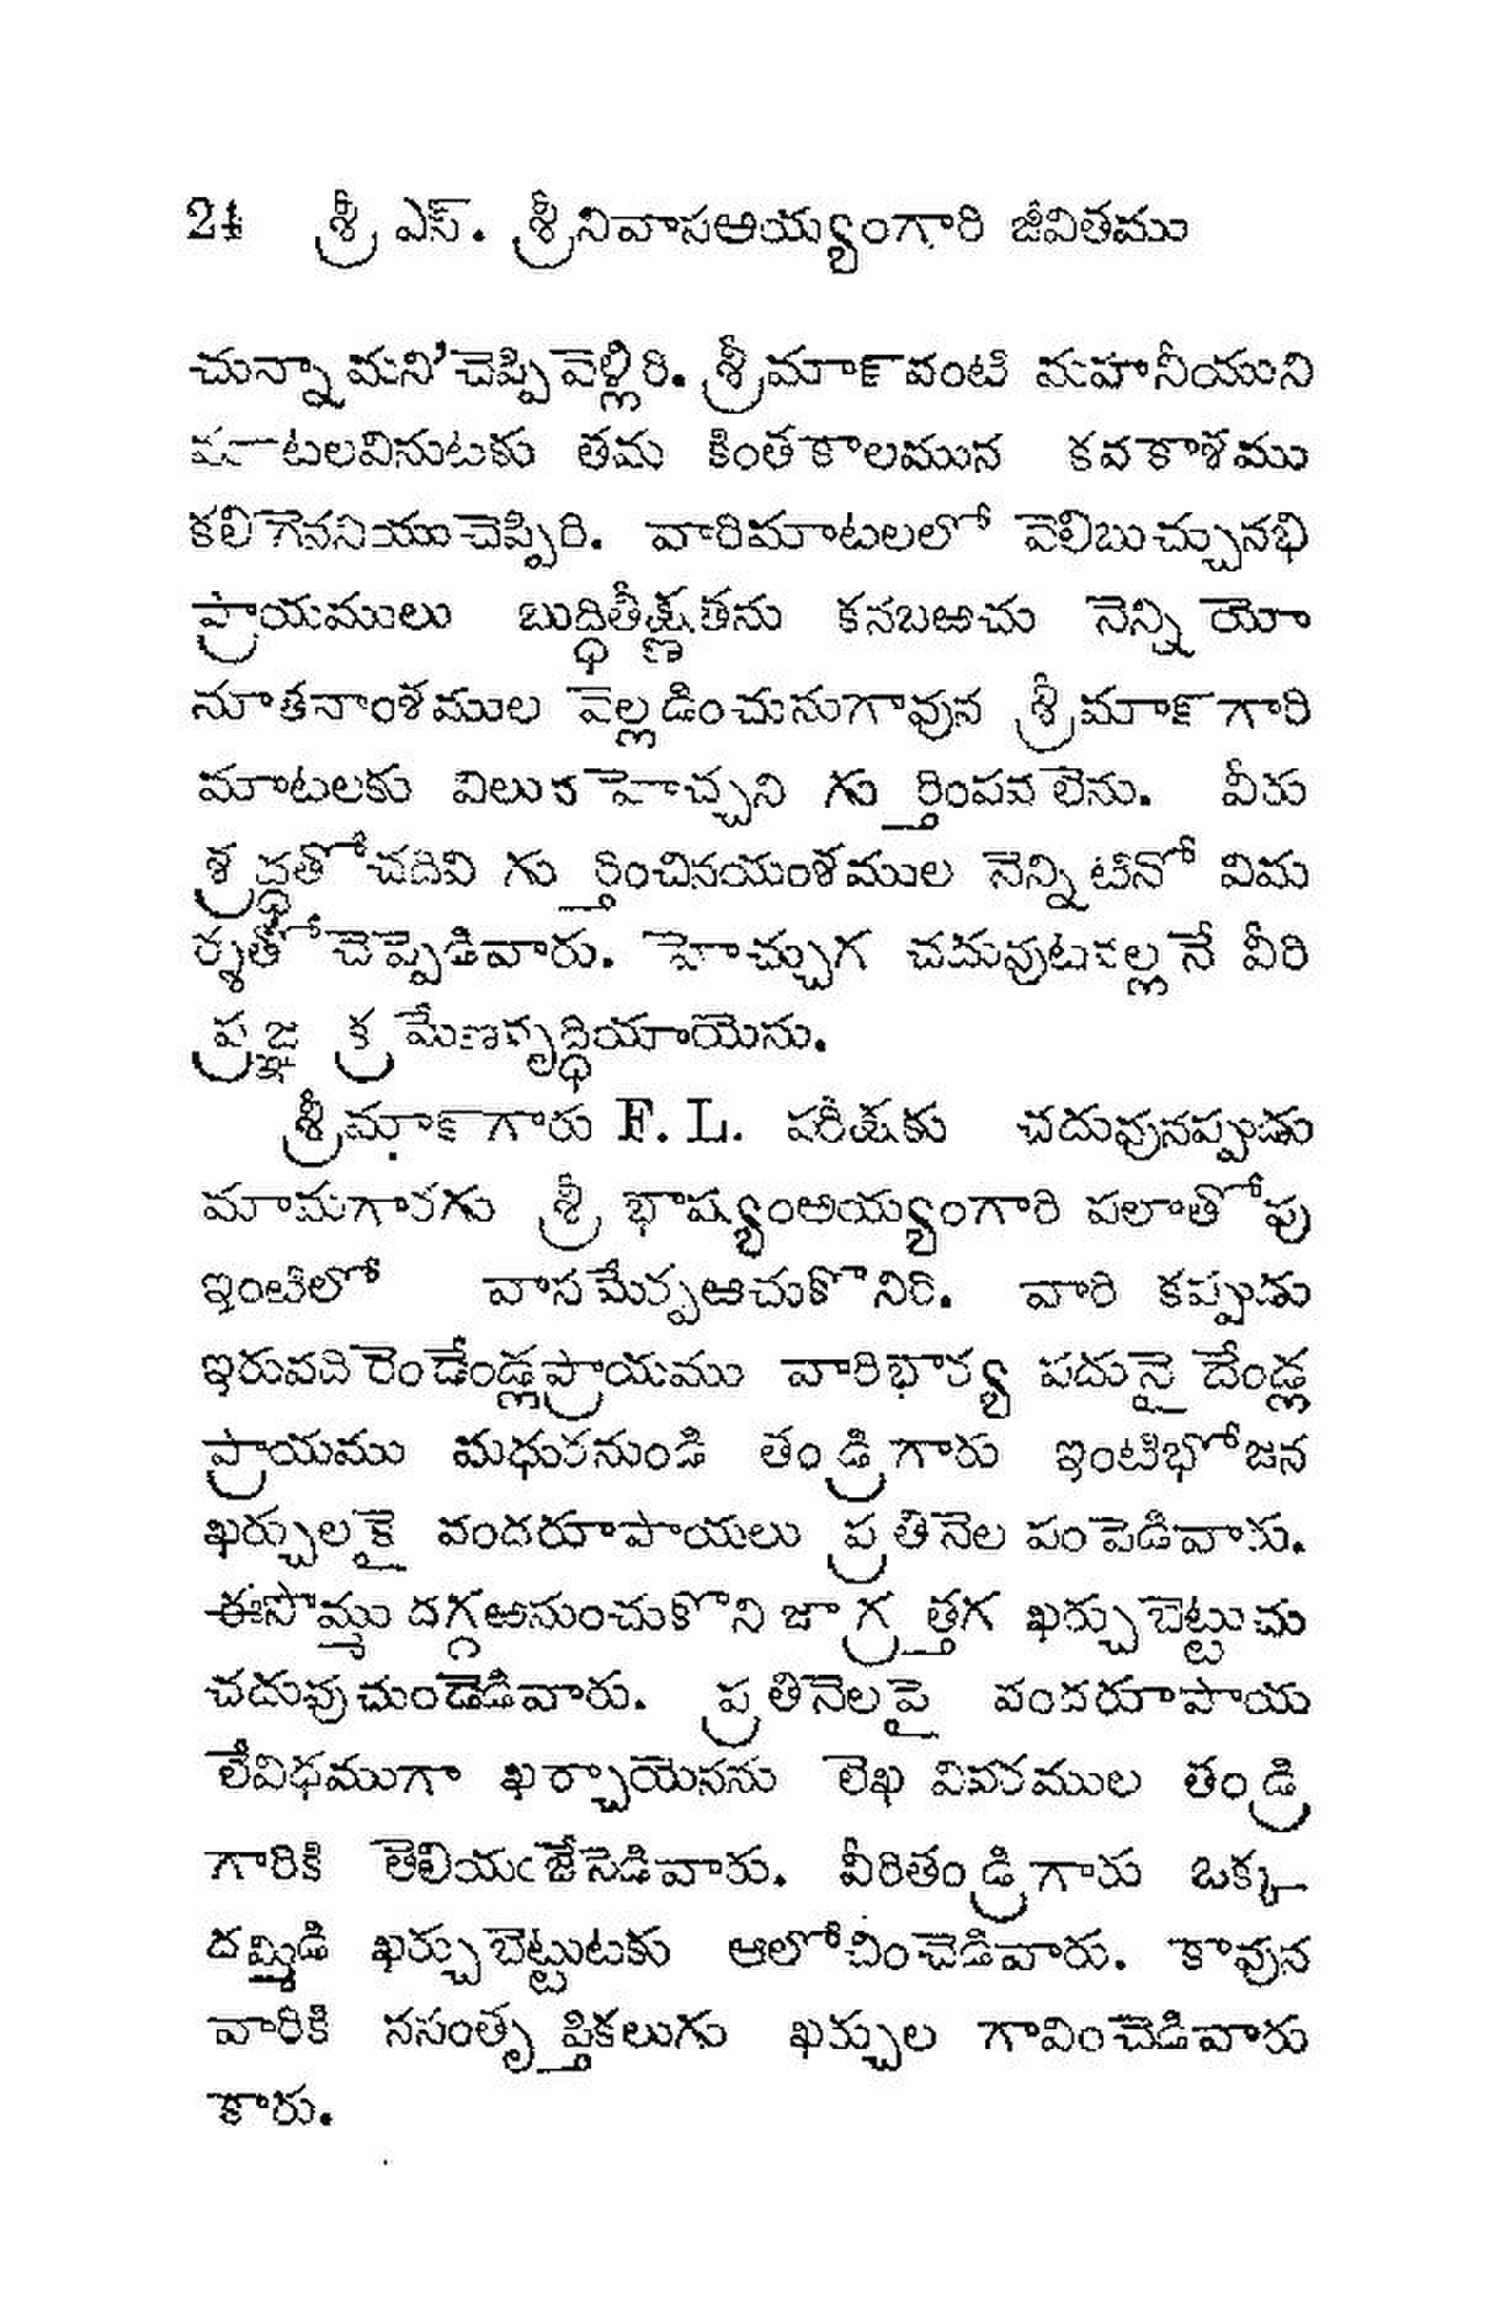చున్నామని'చెప్పివెళ్లిరి. శ్రీమా౯వంటి మహనీయుని మాటలవినుటకు తమ కింతకాలమున కవకాశము కలిగెననియుచెప్పిరి. వారిమాటలలో వెలిబుచ్చునభి ప్రాయములు బుద్దితీక్ష్ణతను కనబఱచు నెన్నియో నూతనాంశముల వెల్లడించునుగావున శ్రీమా౯ గారి మాటలకు విలువహెచ్చని గుర్తింపవలెను. వీరు శ్రద్ధతోచదివి గుర్తించినయంశముల నెన్నిటీనో విమర్శతో చెప్పెడివారు. హెచ్చుగ చదువుటవల్లనే వీరిప్రజ్ఞ క్రమేణవృద్ధియాయెను.

శ్రీమా౯గారు F. L. షరీక్షకు చదువునప్పుడు మామగారగు శ్రీ భాష్యంఅయ్యంగారి పలాతోపు ఇంటిలో వాసమేర్పఱచుకొనిరి. వారి కప్పుడు ఇరువదిరెండేండ్లప్రాయము వారి భార్య పదునైదేండ్ల ప్రాయము మధురనుండి తండ్రిగారు ఇంటిభోజన ఖర్చులకై వందరూపాయలు ప్రతినెల పంపెడివారు. ఈసొమ్ము దగ్గఱనుంచుకొని జాగ్రత్తగ ఖర్చుబెట్టుచు చదువుచుండెడివారు. ప్రతినెలపై వందరూపాయ లేవిధముగా ఖర్చాయెనను లెఖ వివరముల తండ్రిగారికి తెలియఁజేసెడివారు. వీరితండ్రిగారు ఒక్క దమ్మిడి ఖర్చుబెట్టుటకు ఆలోచించెడివారు. కావున వారికి నసంతృప్తికలుగు ఖర్చుల గావించెడివారు కారు.